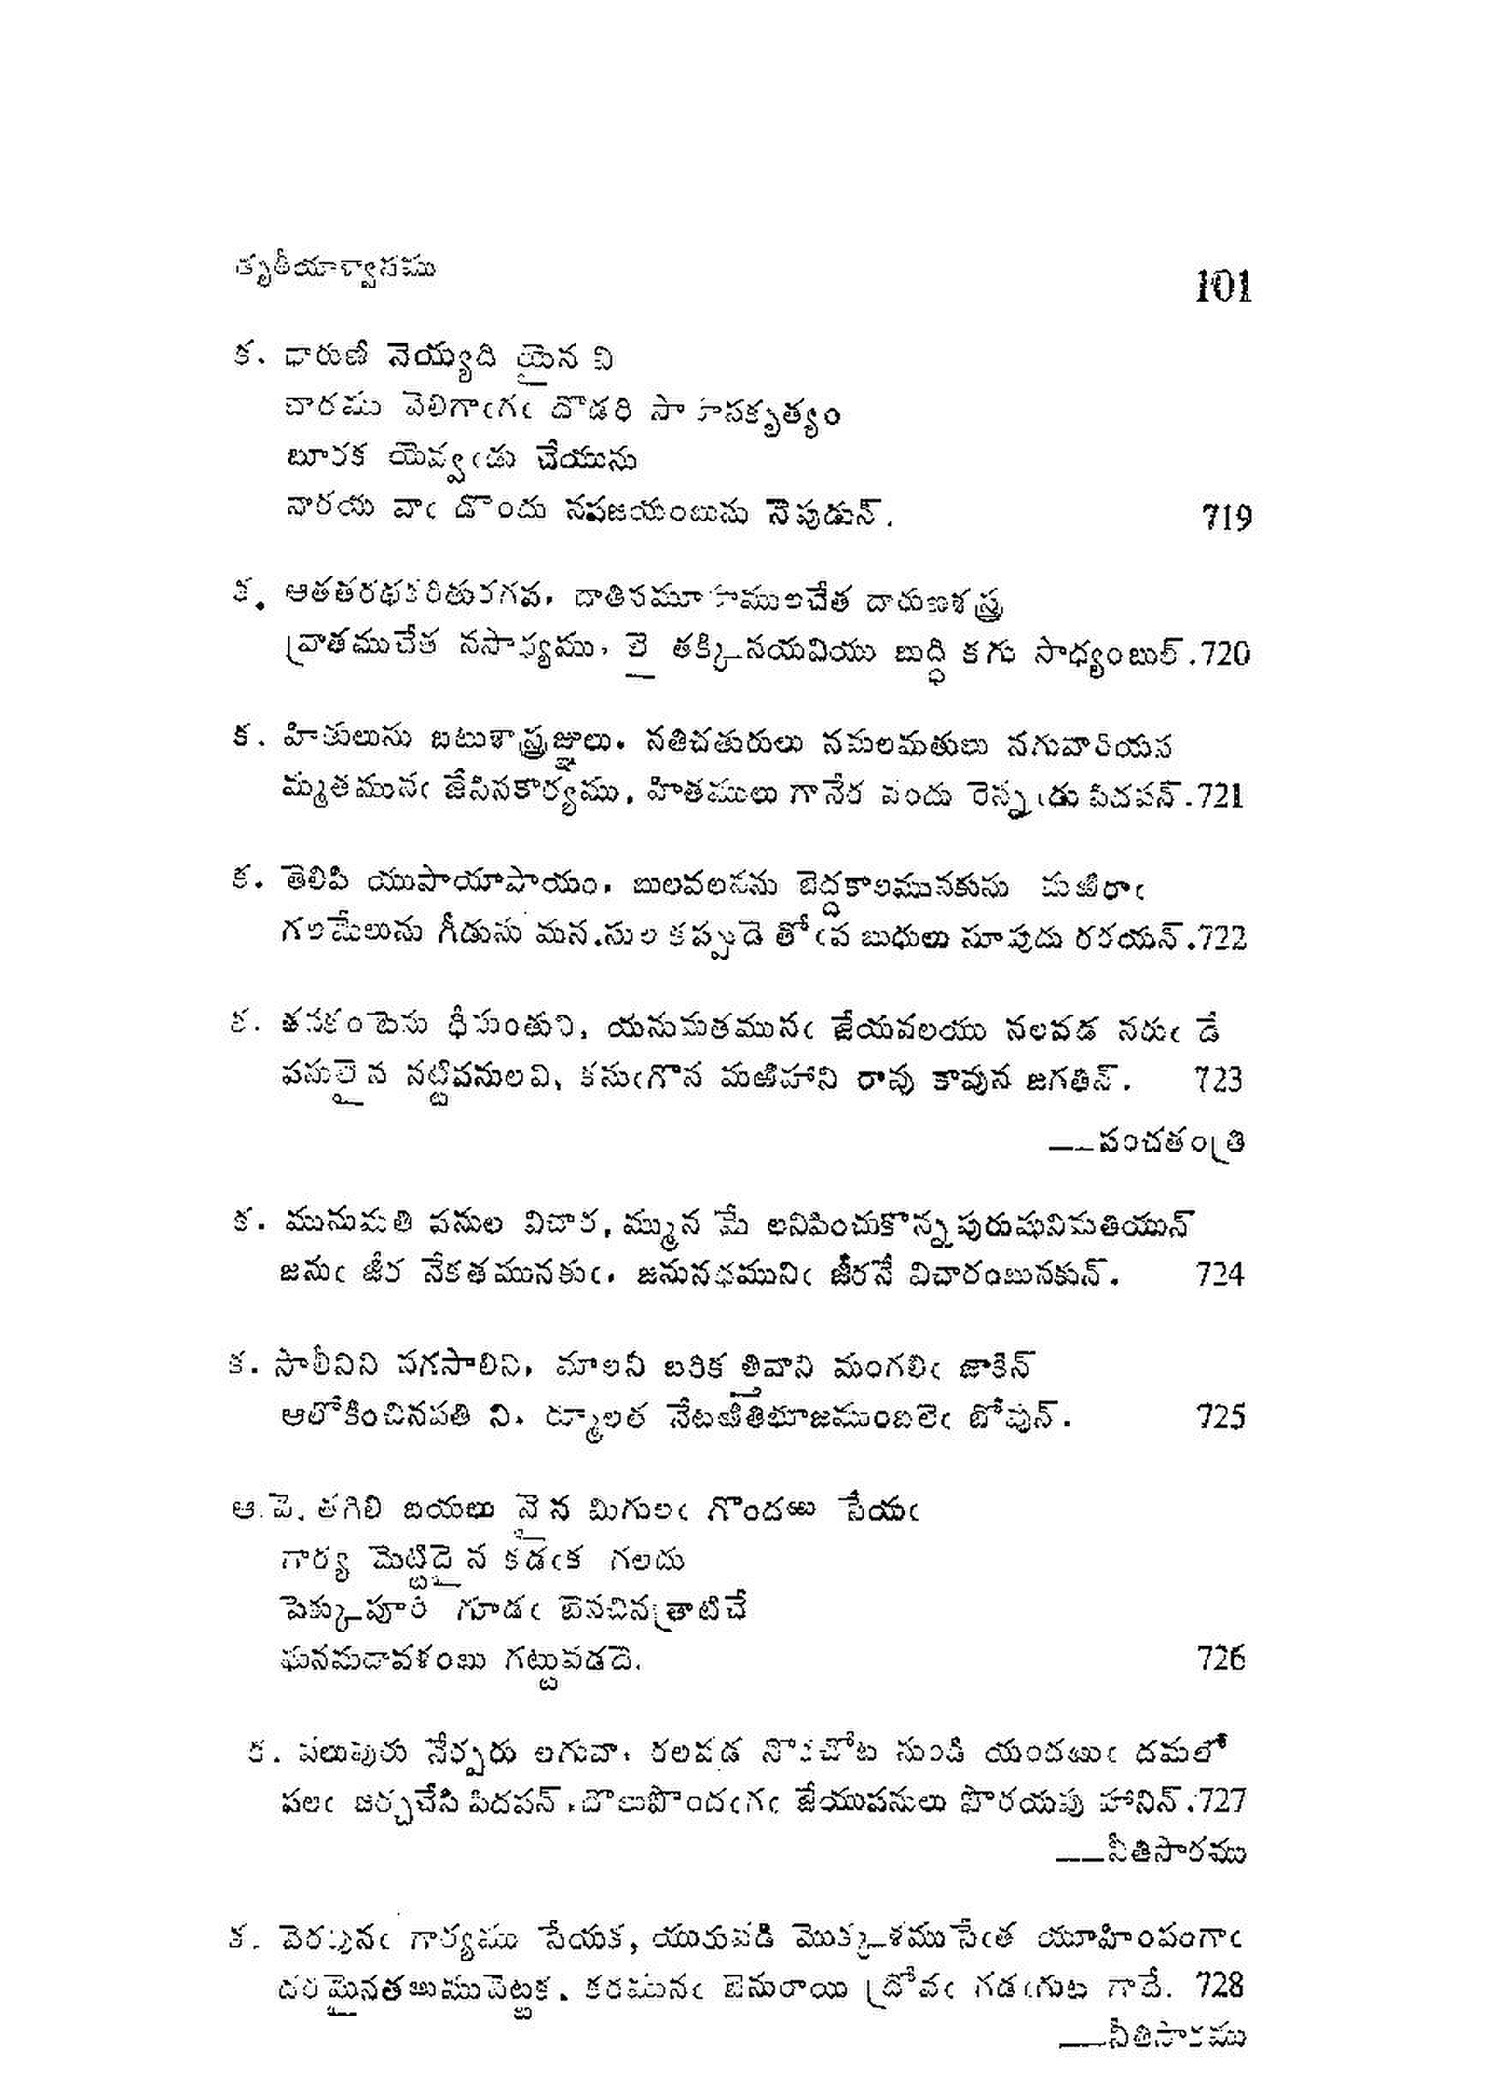క. ధారుణి నెయ్యది యైన వి
చారము వెలిగాఁగఁ దొడరి సాహసకృత్యం
బూరక యెవ్వఁడు చేయును
నారయ వాఁ డొందు నపజయంబును నెపుడున్. 719

క. ఆతతరథకరితురగప
దాతిసమూహములచేత దారుణశస్త్ర
వ్రాతముచేత నసాధ్యము
లై తక్కినయవియు బుద్ధి కగు సాధ్యంబుల్. 720

క. హితులును బటుశాస్త్రజ్ఞులు
నతిచతురులు నమలమతులు నగువారియస
మ్మతమునఁ జేసిన కార్యము
హితములు గానేర వందు రెన్నఁడు పిదపన్. 721

క. తెలిపి యుపాయాపాయం
బులవలనను బెద్దకాలమునకును మఱిరాఁ
గలమేలును గీడును మన
సుల కప్పుడె తోఁప బుధులు సూపుదు రరయన్. 722

క. తనకంటెను ధీమంతుని
యనుమతమునఁ జేయవలయు నలవడ నరుఁ డే
పనులైన నట్టిపనులని
కనుఁగొన మఱి హాని రావు కావున జగతిన్. 723

క. మునుమతి పనుల విచార
మ్మున మే లనిపించుకొన్న పురుషుని మతియున్
జనుఁ జీర నేకతమునకుఁ
జను నధమునిఁ జీరనే విచారంబునకున్. 724

క. సాలీనిని నగసాలిని
మాలని బరికత్తివాని మంగలిఁ జాకిన్
ఆలోకించిన పతి వి
ర్మూలత నేటఱితిభూజముంబలెఁ బోవున్. 725

ఆ. తగిలి బయలు నైన మిగులఁ గొందఱు సేయఁ
గార్య మెట్టిదైన కడఁక గలదు
పెక్కుపూరి గూడఁ బెనచినత్రాటిచే
ఘనమదావళంబు గట్టువడదె. 726

క. పలువురు నేర్పరు లగువా
రలవడ నొకచోట నుండి యందఱుఁ దమలో
పలఁ జర్చ చేసి పిదపన్
బొలుపొందఁగఁ జేయు పనులు పొరయవు హానిన్. 727

క. వెరవునఁ గార్యము సేయక
యురువడి మొక్కళముసేఁత యూహింపంగాఁ
దరమైన తఱుము వెట్టక
కరమునఁ బెనురాయి ద్రోవఁ గడఁగుట గాదే. 728